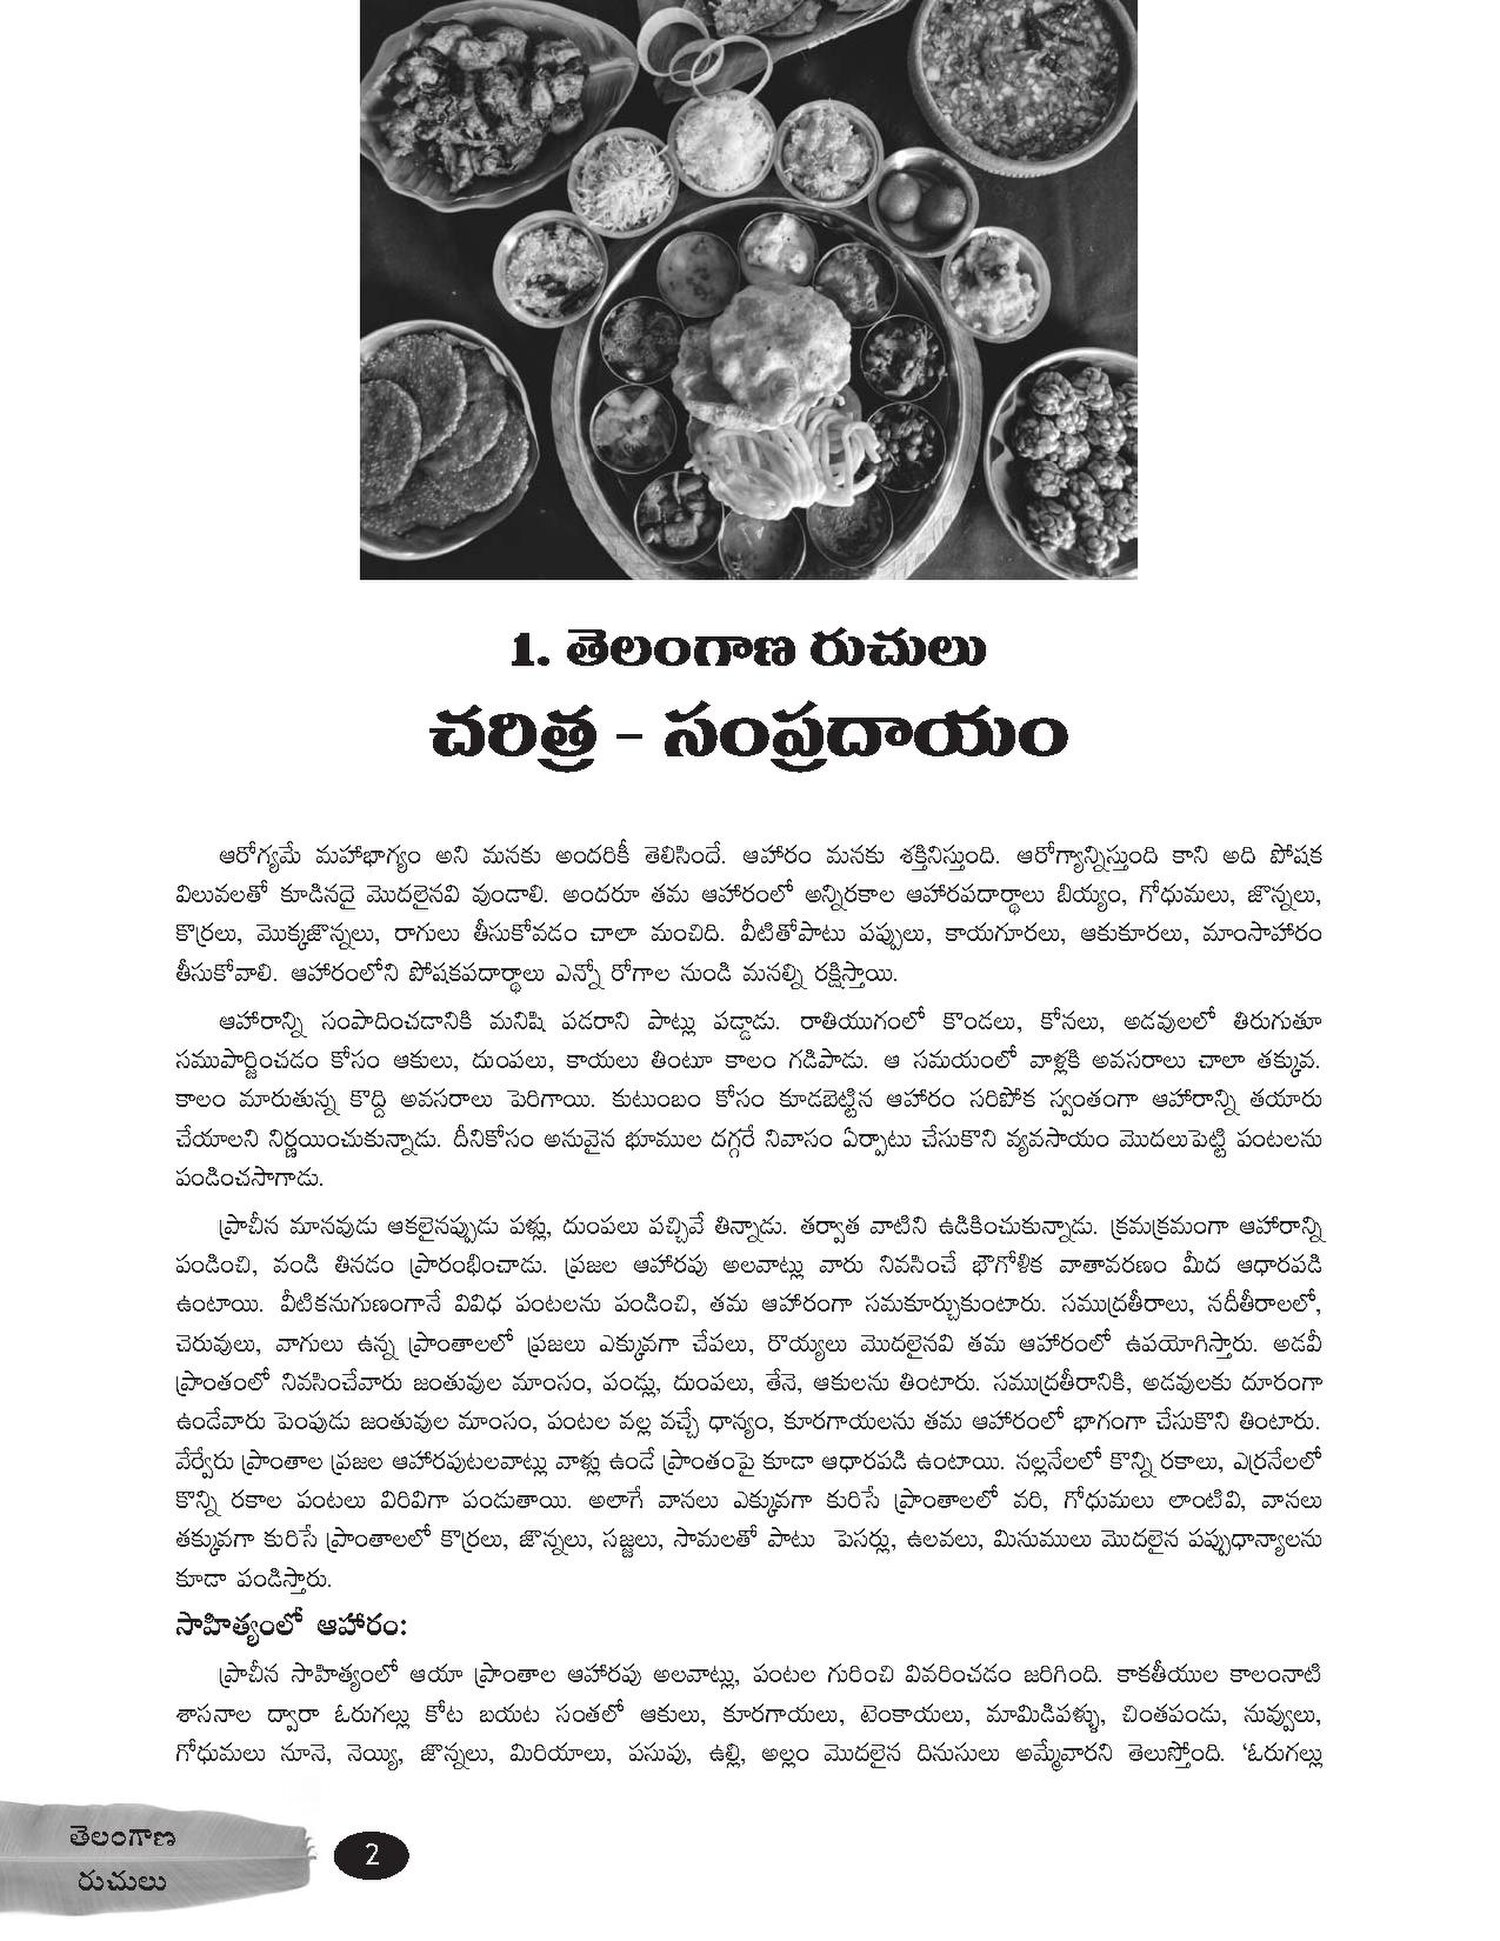ఆరోగ్యమే మహాభాగ్యం అని మనకు అందరికీ తెలిసిందే. ఆహారం మనకు శక్తినిస్తుంది. ఆరోగ్యాన్నిస్తుంది కాని అది పోషక విలువలతో కూడినదై మొదలైనవి వుండాలి. అందరూ తమ ఆహారంలో అన్నిరకాల ఆహారపదార్థాలు బియ్యం, గోధుమలు, జొన్నలు, కొర్రలు, మొక్కజొన్నలు, రాగులు తీసుకోవడం చాలా మంచిది. వీటితోపాటు పప్పులు, కాయగూరలు, ఆకుకూరలు, మాంసాహారం తీసుకోవాలి. ఆహారంలోని పోషకపదార్థాలు ఎన్నో రోగాల నుండి మనల్ని రక్షిస్తాయి.

ఆహారాన్ని సంపాదించడానికి మనిషి పడరాని పాట్లు పడ్డాడు. రాతియుగంలో కొండలు, కోనలు, అడవులలో తిరుగుతూ
సముపార్జించడం కోసం ఆకులు, దుంపలు, కాయలు తింటూ కాలం గడిపాడు. ఆ సమయంలో వాళ్లకి అవసరాలు చాలా తక్కువ.కాలం మారుతున్న కొద్ది అవసరాలు పెరిగాయి. కుటుంబం కోసం కూడబెట్టిన ఆహారం సరిపోక స్వంతంగా ఆహారాన్ని తయారు చేయాలని నిర్ణయించుకున్నాడు. దీనికోసం అనువైన భూముల దగ్గరే నివాసం ఏర్పాటు చేసుకొని వ్యవసాయం మొదలుపెట్టి పంటలను పండించసాగాడు.

ప్రాచీన మానవుడు ఆకలైనప్పుడు పళ్లు, దుంపలు పచ్చివే తిన్నాడు. తర్వాత వాటిని ఉడికించుకున్నాడు. క్రమక్రమంగా ఆహారాన్ని పండించి, వండి తినడం ప్రారంభించాడు. ప్రజల ఆహారపు అలవాట్లు వారు నివసించే భౌగోళిక వాతావరణం మీద ఆధారపడి ఉంటాయి. వీటికనుగుణంగానే వివిధ పంటలను పండించి, తమ ఆహారంగా సమకూర్చుకుంటారు. సముద్రతీరాలు, నదీతీరాలలో, చెరువులు, వాగులు ఉన్న ప్రాంతాలలో ప్రజలు ఎక్కువగా చేపలు, రొయ్యలు మొదలైనవి తమ ఆహారంలో ఉపయోగిస్తారు. అడవీ ప్రాంతంలో నివసించేవారు జంతువుల మాంసం, పండ్లు, దుంపలు, తేనె, ఆకులను తింటారు. సముద్రతీరానికి, అడవులకు దూరంగా ఉండేవారు పెంపుడు జంతువుల మాంసం, పంటల వల్ల వచ్చే ధాన్యం, కూరగాయలను తమ ఆహారంలో భాగంగా చేసుకొని తింటారు. వేర్వేరు ప్రాంతాల ప్రజల ఆహారపుటలవాట్లు వాళ్లు ఉండే ప్రాంతంపై కూడా ఆధారపడి ఉంటాయి. నల్లనేలలో కొన్ని రకాలు, ఎర్రనేలలో
కొన్ని రకాల పంటలు విరివిగా పండుతాయి. అలాగే వానలు ఎక్కువగా కురిసే ప్రాంతాలలో వరి, గోధుమలు లాంటివి, వానలు తక్కువగా కురిసే ప్రాంతాలలో కొర్రలు, జొన్నలు, సజ్జలు, సామలతో పాటు పెసర్లు, ఉలవలు, మినుములు మొదలైన పప్పుధాన్యాలను కూడా పండిస్తారు.

సాహిత్యంలో ఆహారం:

ప్రాచీన సాహిత్యంలో ఆయా ప్రాంతాల ఆహారపు అలవాట్లు, పంటల గురించి వివరించడం జరిగింది. కాకతీయుల కాలంనాటి శాసనాల ద్వారా ఓరుగల్లు కోట బయట సంతలో ఆకులు, కూరగాయలు, టెంకాయలు, మామిడిపళ్ళు, చింతపండు, నువ్వులు, గోధుమలు నూనె, నెయ్యి, జొన్నలు, మిరియాలు, పసుపు, ఉల్లి, అల్లం మొదలైన దినుసులు అమ్మేవారని తెలుస్తోంది. 'ఓరుగల్లు